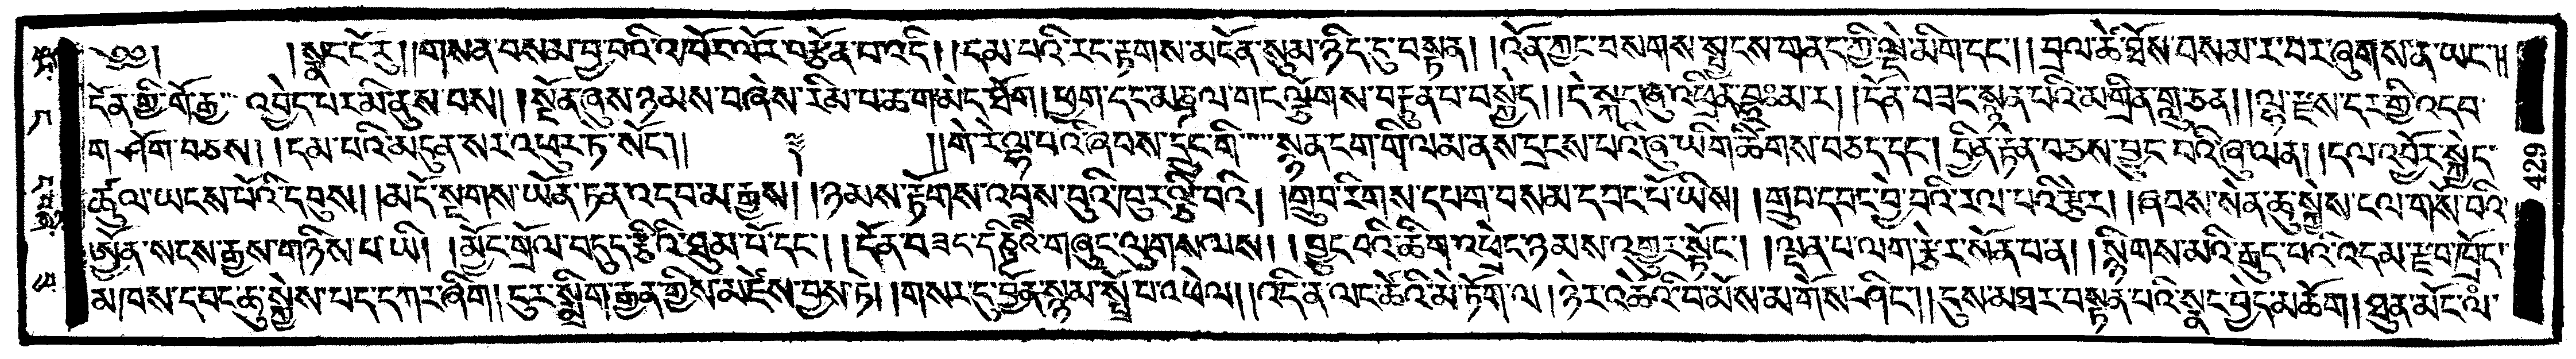༄༅། །སྣང་ངོ་རུ། །གསན་བསམ་བྱ་བའི་འཁོར་ལོར་བརྩོན་པ་འདི། །དམ་པའི་རང་རྟགས་མངོན་སུམ་ཉིད་དུ་བསྟན། །འོན་ཀྱང་བསགས་སྦྱངས་གནད་ཀྱི་ལྡེ་མིག་དང་། །བྲལ་ཚེ་ཐོས་བསམ་ར་བར་ཞུགས་ན་ཡང་། །
དོན་གྱི་གོ་རྒྱ་འབྱེད་པར་མི་ནུས་པས། །སྔོན་ཞུས་ཉམས་བཞེས་རིམ་པ་ཆག་མེད་ཐོག །ཕྱག་དང་མཎྜལ་གང་ལྕོགས་བརྟུན་པ་བསྐྱེད། །དེ་སྐད་ཞུ་འཕྲིན་བྷྲཿ མ་ར། །དོན་བཟང་སྙན་པའི་མགྲིན་གླུ་ཅན། །ལྷ་རྫས་དར་གྱི་འདབ་
གཤོག་བཅས། །དམ་པའི་མདུན་སར་འཕུར་ཏེ་སོང།། ༈ །།གེ་རེ་ལྷ་པའི་ཞབས་དྲུང་གི་སྙན་ངག་གི་ལམ་ནས་དྲངས་པའི་ཞུ་ཡིག་ཚིགས་བཅད་དང་། བྱིན་རྟེན་བཅས་བྱུང་བའི་ཞུ་ལན། །དལ་འབྱོར་སྐྱེད་
ཚུལ་ཡངས་པོའི་དབུས། །མདོ་སྔགས་ཡོན་ཏན་འདབ་མ་རྒྱས། །ཉམས་རྟོགས་འབྲས་བུའི་ཁུར་ལྕི་བའི། །གྲུབ་རིགས་དཔག་བསམ་དབང་པོ་ཡིས། །གྲུབ་དབང་བྱེ་བའི་རལ་པའི་རྩེར། །ཞབས་སོན་ཆུ་སྐྱེས་ངལ་གསོ་བའི་
ཨཡོན་སངས་རྒྱས་གཉིས་པ་ཡི། །མྱོང་གྲོལ་བདུད་རྩིའི་ཐུམ་པོ་དང་། །དོན་བཟང་དཎྜིའི་གཞུང་ལུགས་ལས། །བྱུང་བའི་ཚིག་འཕྲེང་ཉམས་འགྱུར་སྟོང་། །ལྡན་པ་ལག་རྩེར་སོན་པ་ན། །སྙིགས་མའི་རྒུད་པའི་འདམ་རྫབ་ཁྲོད་
མཁས་དབང་ཆུ་སྐྱེས་པད་དཀར་ཞིག །ངུར་སྨྲིག་རྒྱན་གྱིས་མཛེས་བྱས་ཏེ། །གསར་དུ་བྱོན་སྙམ་སྤྲོ་བ་འཕེལ། །འདི་ན་ལང་ཚོའི་མེ་ཏོག་ལ། །ཉེར་འཚེའི་བ་མོས་མ་གོས་ཤིང་། །དུས་མཐར་བསྟན་པའི་སྣང་བྱེད་མཆོག །ཐུན་མོང་ལཾ་